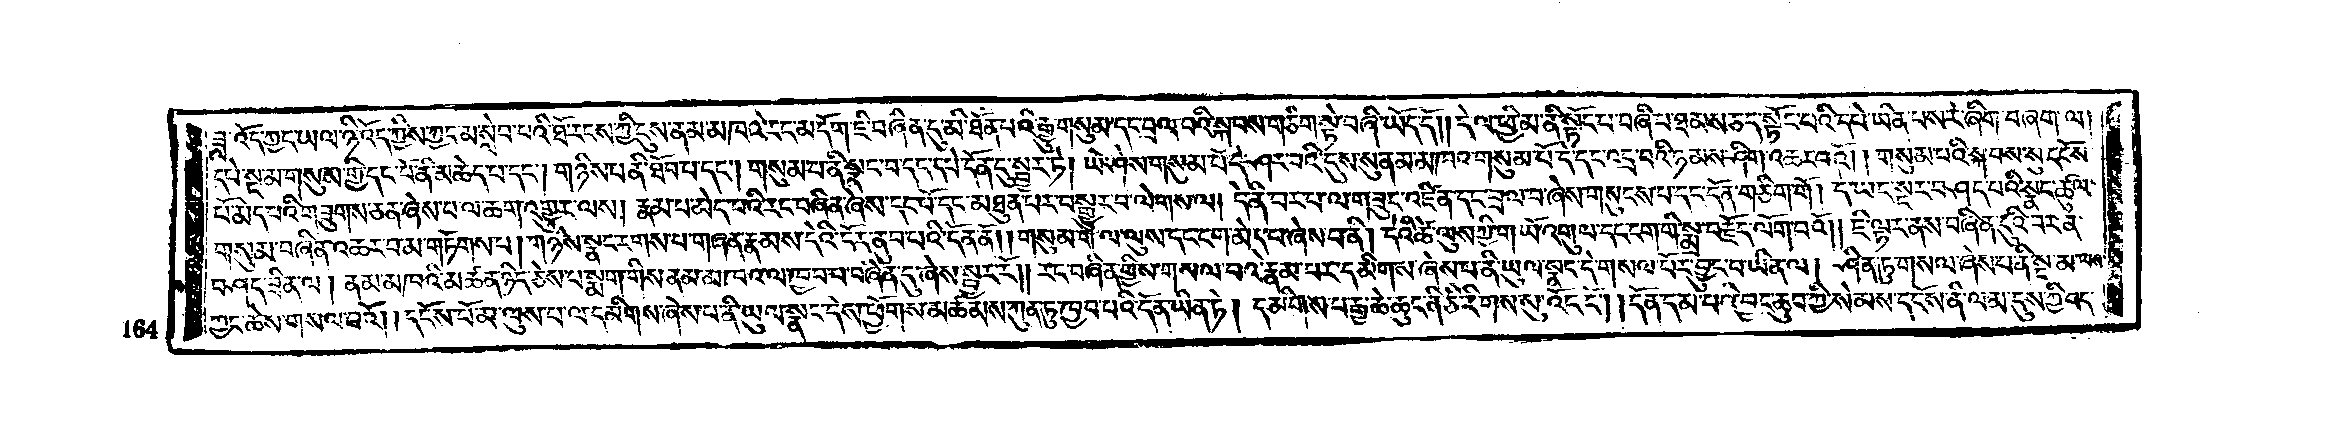ཟླ་འོད་ཀྱང་ཡལ་ཉི་འོད་ཀྱིས་ཀྱང་མ་སླེབ་པའི་ཐོ་རངས་ཀྱི་དུས་ནམ་མཁའི་རང་མདག་ཇི་བཞིན་དུ་མི་ཐོན་པའི་རྒྱུ་གསུམ་དང་བྲལ་བའི་སྐབས་གཅིག་སྟེ་བཞི་ཡོད་དོ། །དེ་ལ་ཕྱི་མ་ནི་སྟོང་པ་བཞི་པ་ཐམས་ཅད་སྟོང་པའི་དཔེ་ཡིན་པས་རེ་ཞིག་བཞག་ལ།
དཔེ་སྔ་མ་གསུམ་གྱི་དང་པོ་ནི་མཆེད་པ་དང་། གཉིས་པ་ནི་ཐོབ་པ་དང་། གསུམ་པ་ནི་སྣང་བ་དང་དཔེ་དོན་དུ་སྦྱར་ཏེ། ཡེ་ཤེས་གསུམ་པོ་དེ་ཤར་བའི་དུས་སུ་ནམ་མཁའ་གསུམ་པོ་དེ་དང་འདྲ་བའི་ཉམས་ཤིག་འཆར་བའོ། །གསུམ་པའི་སྐབས་སུ་དངོས་
པོ་མེད་པའི་གཟུགས་ཅན་ཞེས་པ་ལ་ཆག་འགྱུར་ལས། རྣམ་པ་མེད་པའི་རང་བཞིན་ཞེས་དང་པོ་དང་མཐུན་པར་བསྒྱུར་བ་ལེགས་ལ། དེ་ནི་བར་པ་ལ་གཟུང་འཛིན་དང་བྲལ་བ་ཞེས་གསུངས་པ་དང་དོན་གཅིག་གོ། དེ་ཡང་སྔར་བཤད་པའི་སྣང་ཚུལ་
གསུམ་བཞིན་འཆར་བ་མ་གཏོགས་པ། གཉིས་སྣང་རགས་པ་གཞན་རྣམས་དེའི་ངོར་ནུབ་པའི་དོན་ནོ། །གསུམ་ག་ལ་ལུས་དང་ངག་མེད་པ་ཞེས་པ་ནི། དེའི་ཚེ་ལུས་ཀྱི་གཡོ་འགུལ་དང་ངག་གི་སྨྲ་བརྗོད་ལོག་པའོ། །ཇི་ལྟར་ནས་བཞིན་དུའི་བར་ནི་
བཤད་ཟིན་ལ། ནམ་མཁའི་མཚན་ཉིད་ཅེས་པ་སྨག་གིས་ནམ་མཁའ་ལ་ཁྱབ་པ་བཞིན་དུ་ཞེས་སྦྱར་རོ། །རང་བཞིན་གྱིས་གསལ་བའི་རྣམ་པར་དམིགས་ཞེས་པ་ནི་ཡུལ་སྣང་དེ་གསལ་པོར་བྱུང་བ་ཡིན་ལ། ཤིན་ཏུ་གསལ་ཞེས་པ་ནི་སྔ་མ་ལས་
ཀྱང་ཆེས་གསལ་བའོ། །དངོས་པོ་མ་ལུས་པ་ལ་དམིགས་ཞེས་པ་ནི་ཡུལ་སྣང་དེས་ཕྱོགས་མཚམས་ཀུན་ཏུ་ཁྱབ་པའི་དོན་ཡིན་ཏེ། དམིགས་པ་རྒྱ་ཆེ་ཆུང་ནི་ཅི་རིགས་སུ་འོང་ངོ། །དོན་དམ་པའི་བྱང་ཆུབ་ཀྱི་སེམས་དངོས་ནི་ལམ་དུས་ཀྱི་བད་